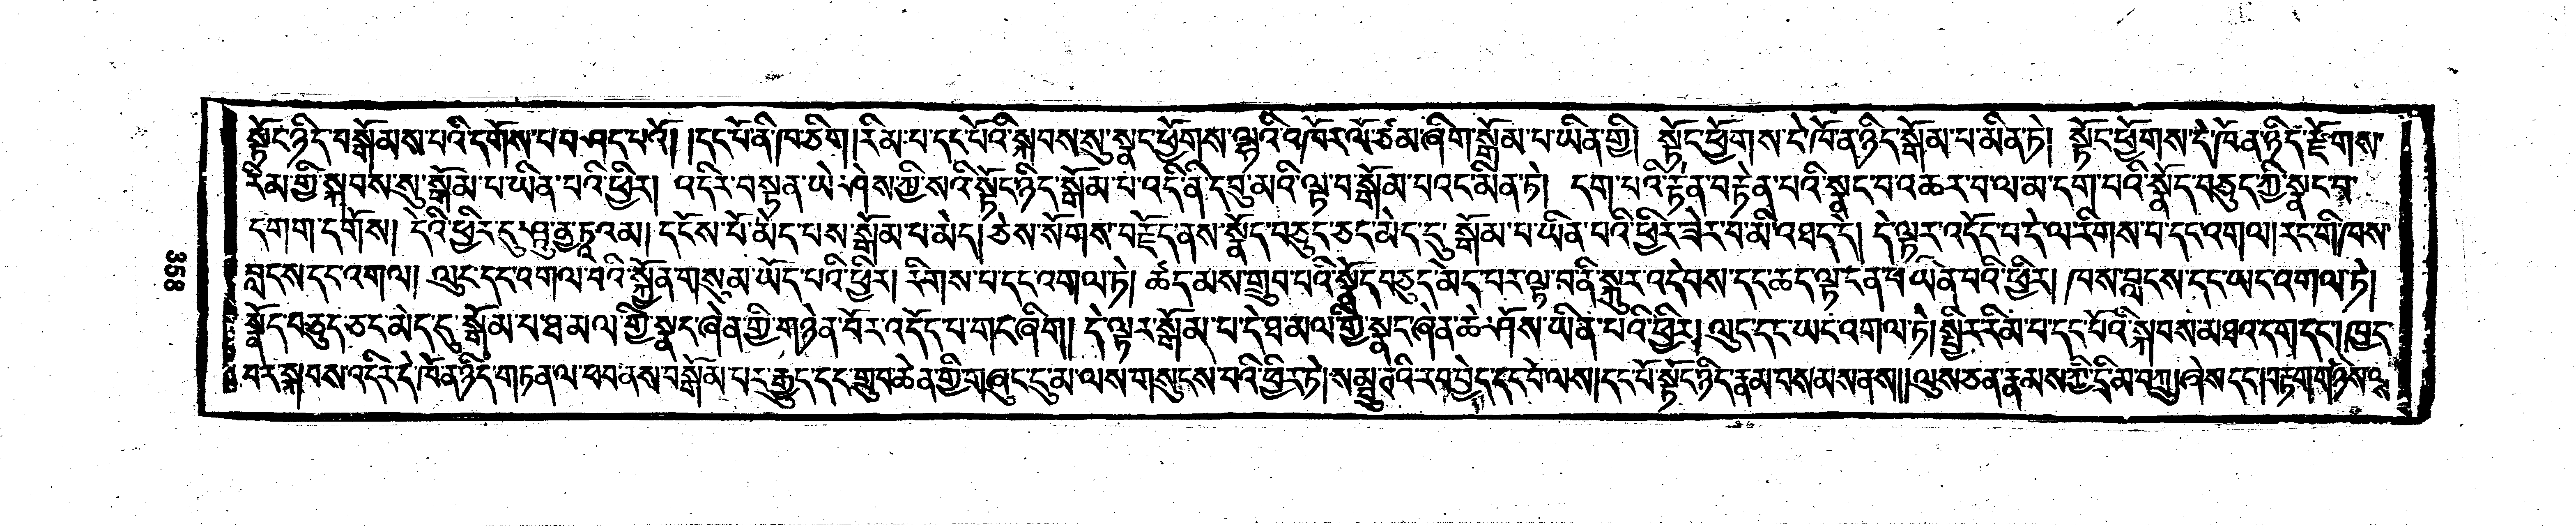སྟོང་ཉིད་བསྒོམས་པའི་དགོས་པ་བཤད་པའོ། །དང་པོ་ནི་ཁ་ཅིག །རིམ་པ་དང་པོའི་སྐབས་སུ་སྣང་ཕྱོགས་ལྷའི་འཁོར་ལོ་ཙམ་ཞིག་སྒོམ་པ་ཡིན་གྱི། སྟོང་ཕྱོགས་དེ་ཁོ་ན་ཉིད་སྒོམ་པ་མིན་ཏེ། སྟོང་ཕྱོགས་དེ་ཁོ་ན་ཉིད་རྫོགས་
རིམ་གྱི་སྐབས་སུ་སྒོམ་པ་ཡིན་པའི་ཕྱིར། འདིར་བསྟན་ཡེ་ཤེས་ཀྱི་སའི་སྟོང་ཉིད་སྒོམ་པ་འདི་ནི་དབུ་མའི་ལྟ་བ་སྒོམ་པའང་མིན་ཏེ། དག་པའི་རྟེན་བརྟེན་པའི་སྣང་བ་འཆར་བ་ལ་མ་དག་པའི་སྣོད་བཅུད་ཀྱི་སྣང་བ་
དགག་དགོས། དེའི་ཕྱིར་དུ་ཤཱུ་ནྱ་ཏཱའམ། དངོས་པོ་མེད་པས་སྒོམ་པ་མེད། ཅེས་སོགས་བརྗོད་ནས་སྣོད་བཅུད་ཅང་མེད་དུ་སྒོམ་པ་ཡིན་པའི་ཕྱིར་ཟེར་བ་མི་འཐད་དེ། དེ་ལྟར་འདོད་པ་དེ་ལ་རིགས་པ་དང་འགའ། །རང་གི་ཁས་
བླངས་དང་འགལ། ལུང་དང་འགལ་བའི་སྐྱོན་གསུམ་ཡོད་པའི་ཕྱིར། རིགས་པ་དང་འགལ་ཏེ། ཚད་མས་གྲུབ་པའི་སྣོད་བཅུད་མེད་པར་ལྟ་བ་ནི་སྐུར་འདེབས་དང་ཆད་ལྟ་ངན་པ་ཡིན་པའི་ཕྱིར། ཁས་བླངས་དང་ཡང་འགལ་ཏེ།
སྣོད་བཅུད་ཅང་མེད་དུ་སྒོམ་པ་ཐ་མལ་གྱི་སྣང་ཞེན་གྱི་གཉེན་བོར་འདོད་པ་གང་ཞིག །དེ་ལྟར་སྒོམ་པ་དེ་ཐ་མལ་གྱི་སྣང་ཞེན་ཆེ་ཤོས་ཡིན་པའི་ཕྱིར། ལུང་དང་ཡང་འགལ་ཏེ། སྤྱིར་རིམ་པ་དང་པོའི་སྐབས་མཐའ་དག་དང་། ཁྱད་
པར་སྐབས་འདིར་དེ་ཁོ་ན་ཉིད་གཏན་ལ་བབ་ནས་བསྒོམ་པར་རྒྱུད་དང་གྲུབ་ཆེན་གྱི་གཞུང་དུ་མ་ལས་གསུངས་པའི་ཕྱིར་ཏེ། སམྦུཊའི་རབ་བྱེད་དང་པོ་ལས། དང་པོ་སྟོང་ཉིད་རྣམ་བསམས་ནས། །ལུས་ཅན་རྣམས་ཀྱི་དྲི་མ་བགྲུ། ཞེས་དང་། བརྟག་གཉིས་ལས་